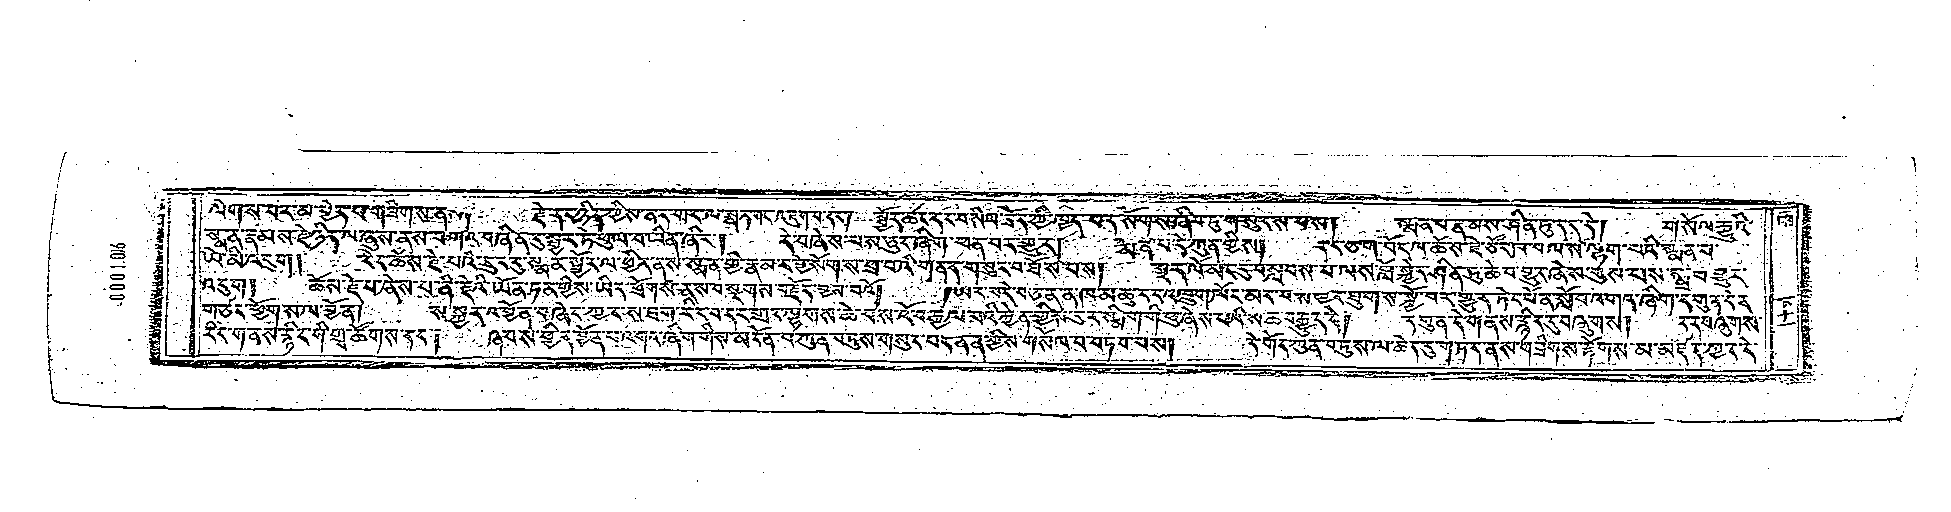ལེགས་པར་མ་བྱེད་པ་གཟིགས་ནས། རྗེ་རང་ཉིད་ཀྱིས་ནད་གང་ལ་སྨན་གང་འཇུག་པ་དང་། སྦྱོར་ཚང་དང་བསིལ་དྲོད་ཀྱི་ཁྱད་པར་སོགས་ཞིབ་ཏུ་གསུངས་པས། སྨན་པ་རྣམས་ཤིན་ཏུ་དད་དེ། གསོལ་རྒྱུའི་
སྨན་རྣམས་རྗེ་ཉིད་ལ་ཞུས་ནས་བཀའ་བཞིན་དུ་སྦྱར་ཏེ་ཕུལ་བ་ཡིན་ཞིང་། དེ་བཞེས་པས་ཅུང་ཞིག་ཕན་བར་གྱུར། རྨན་པ་དེ་ཀུན་གྱིས། རང་ཅག་བོད་ལ་ཆོས་རྗེ་ཙོང་ཁ་པ་ལས་ལྷག་པའི་སྨན་པ་
ཡི་མི་འདུག། ངེད་ཆོས་རྗེ་པའི་དྲུང་དུ་སྨན་སྦྱོར་ལ་ཕྱིན་ནས་སྨན་གྱི་རྣམ་དབྱེ་སོགས་ཕྲ་བའི་གནད་གསུང་བ་ཐོས་པས། སྔར་ལོ་མང་དུ་བསླབས་པ་ལས་བློ་སྐྱེད་ཤིན་ཏུ་ཆེ་བ་བྱུང་ཞེས་གུས་པས་སྨྲ་བ་བྱུང་
འདུག། ཆོས་རྗེ་པ་ཞེས་པ་ནི་རྗེའི་ཡོན་ཏན་གྱིས་ཡིད་ཕྲོགས་ནས་བསྔགས་བརྗོད་བྱས་བའོ། །ཡང་བདེ་བ་ཅན་ན་ཁམ་ཆུ་དང་འཁྲུག་ལོང་མང་བས་ཀྱང་ཐུགས་སྐྱོ་བར་གྱུར་ཏེ་དཔོན་སློབ་འགའ་ཞིག་དགུན་དེར་
གཙང་ཕྱོགས་ལ་བྱོན། ས་སྐྱར་འབྱོན་བཞེང་ཀྱང་ས་ཐག་རིང་བ་དང་གྲང་ལྷགས་ཆེ་བས་འོ་བརྒྱལ་བའི་རྐྱེན་གྱིས་དུར་སྨིག་གི་ཕུ་ཞེས་པའི་ས་ཆ་བརྒྱུད་དེ། དགུན་དེ་གནས་རྙིང་དུ་བཞུགས། དེར་བཞུགས་
རིང་གནས་རྙིང་གི་གྲྭ་ཚོགས་དང་། ཞབས་ཕྱིར་བྱོན་པ་འགའ་ཞིག་གིས་མངོན་པ་ཀུན་བཏུས་གསུང་བར་ནན་གྱིས་གསོལ་བ་བཏབ་པས། དེ་གོང་ཀུན་བཏུས་ལ་ཆེད་དུ་གཏད་ནས་གཟིགས་རྟོགས་མ་མཛད་ཀྱང་དེ་